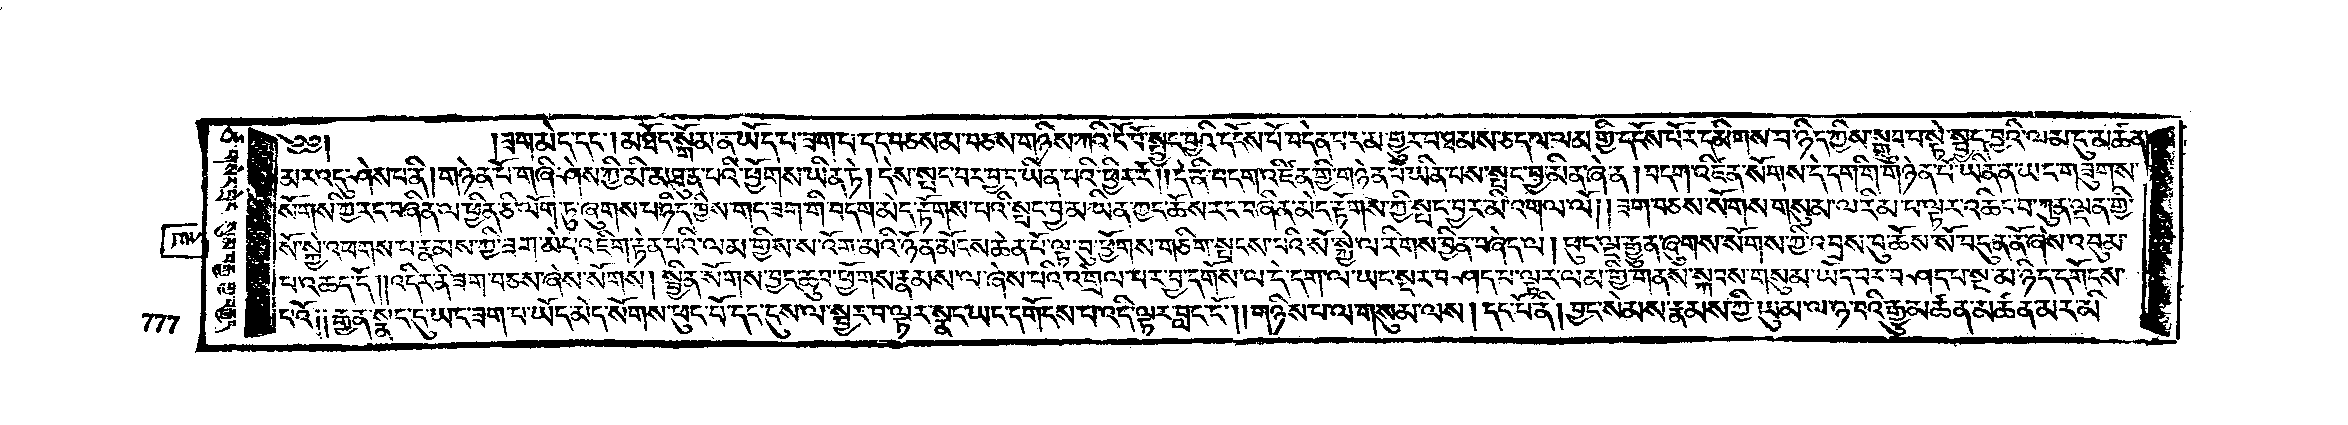༄༅། །ཟག་མེད་དང་། མཐོང་སྒོམ་ན་ཡོད་པ་ཟག་པ་དང་བཅས་མ་བཅས་གཉིས་ཀའི་ངོ་བོ་སྤྱད་བྱའི་དངོས་པོ་བདེན་པར་མ་གྱུར་པ་ཐམས་ཅད་ལ་ལམ་གྱི་དངོས་པོར་དམིགས་པ་ཉིད་ཀྱིས་སྒྲུབ་པ་སྟེ་སྤྱད་བྱའི་ལམ་དུ་མཚན་
མར་འདུ་ཤེས་པ་ནི། གཉེན་པོ་གཞི་ཤེས་ཀྱི་མི་མཐུན་པའི་ཕྱོགས་ཡིན་ཏེ། དེས་སྤང་བར་བྱ་བ་ཡིན་པའི་ཕྱིར་རོ། །དེ་ནི་བདག་འཛིན་གྱི་གཉེན་པོ་ཡིན་པས་སྤང་བྱ་མིན་ཞེ་ན། བདག་འཛིན་སོགས་དེ་དག་གི་གཉེན་པོ་ཡིན་ན་ཡང་གཟུགས་
སོགས་ཀྱི་རང་བཞིན་ལ་ཕྱིན་ཅི་ལོག་ཏུ་ཞུགས་པ་ཉིད་ཀྱིས་གང་ཟག་གི་བདག་མེད་རྟོགས་པའི་སྤང་བྱ་མ་ཡིན་ཀྱང་ཆོས་རང་བཞིན་མེད་རྟོགས་ཀྱི་སྤང་བྱར་མི་འགལ་ལོ། །ཟག་བཅས་སོགས་གསུམ་ལ་རིམ་པ་ལྟར་འཆིང་བ་ཀུན་ལྡན་གྱི་
སོ་སྐྱེ་འཕགས་པ་རྣམས་ཀྱི་ཟག་མེད་འཇིག་རྟེན་པའི་ལམ་གྱིས་ས་འོག་མའི་ཉོན་མོངས་ཆེན་པོ་ལྟ་བུ་ཕྱོགས་གཅིག་སྤངས་པའི་སོ་སྐྱེ་ལ་རིགས་བྱིན་བཞེད་ལ། ཕུང་ལྔ་རྒྱུན་ཞུགས་སོགས་ཀྱི་འབྲས་བུ་ཆོས་སོ་བདུན་ནོ་ཞེས་འབུམ་
པ་འཆད་དོ། །འདིར་ནི་ཟག་བཅས་ཞེས་སོགས། སྦྱིན་སོགས་བྱང་ཆུབ་ཕྱོགས་རྣམས་ལ་ཞེས་པའི་འགྲེལ་པར་བྱ་དགོས་ལ་དེ་དག་ལ་ཡང་སྔར་བཤད་པ་ལྟར་ལམ་གྱི་གནས་སྐབས་གསུམ་ཡོད་པར་བཤད་པ་སྔ་མ་ཉིད་དགོངས་
པའོ༑ ༑རྒྱན་སྣང་དུ་ཡང་ཟག་པ་ཡོད་མེད་སོགས་ཕུང་པོ་དང་དུས་ལ་སྦྱར་བ་ལྟར་སྣང་ཡང་དགོངས་པ་འདི་ལྟར་བླང་ངོ། །གཉིས་པ་ལ་གསུམ་ལས། དང་པོ་ནི། བྱང་སེམས་རྣམས་ཀྱི་ཡུམ་ལ་ཉ་བའི་རྒྱུ་མཚན་མཚན་མར་མི་